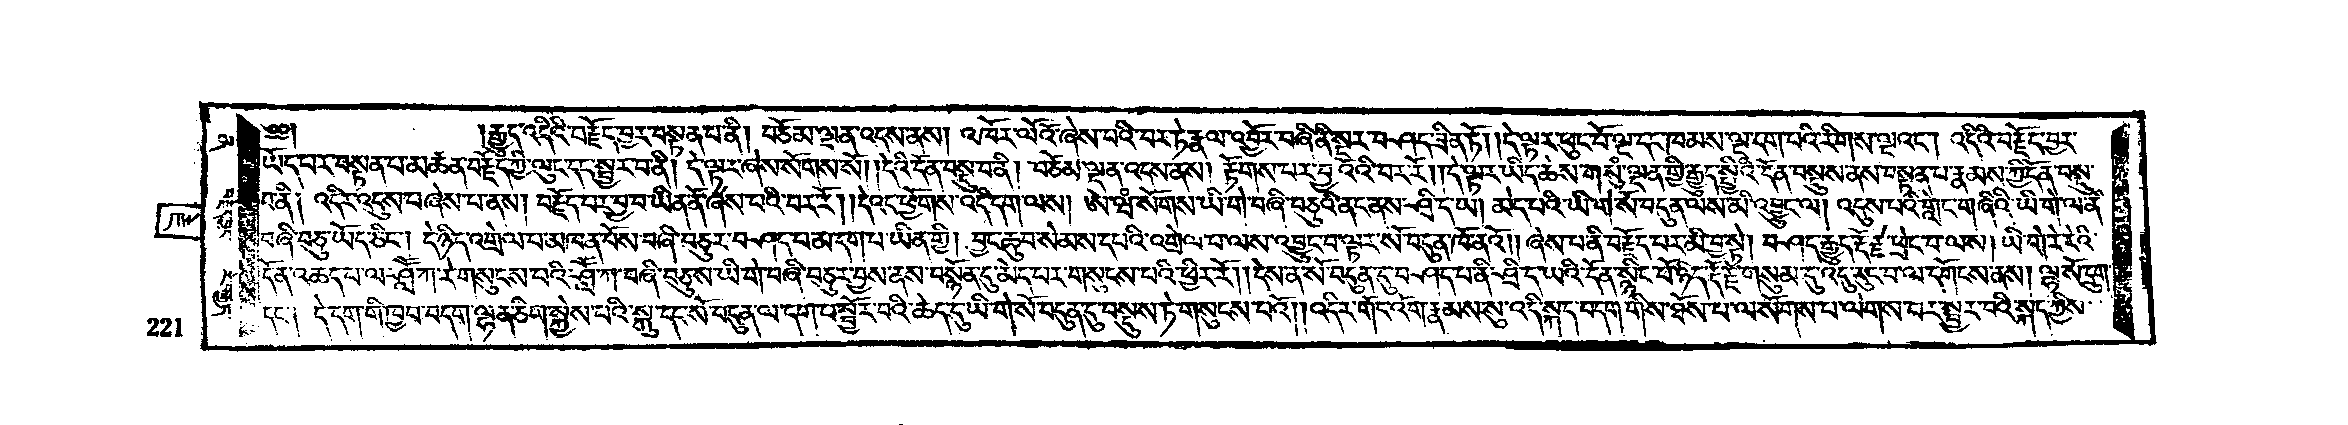༄༅། །རྒྱུད་འདིའི་བརྗོད་བྱར་བསྟན་པ་ནི། བཅོམ་ལྡན་འདས་ནས། འཁོར་ལོའོ་ཞེས་པའི་བར་ཏེ་རྣལ་འབྱོར་བཞི་ནི་སྔར་བཤད་ཟིན་ཏོ། །དེ་ལྟར་ཕུང་པོ་ལྔ་དང་ཁམས་ལྔ་དག་པའི་རིགས་ལྔའང་། འདིའི་བརྗོད་བྱར་
ཡོད་པར་བསྟན་པ་མཚན་བརྗོད་ཀྱི་ལུང་དང་སྦྱར་བ་ནི། དེ་ལྟར་ཞེས་སོགས་སོ། །དེའི་དོན་བསྡུ་བ་ནི། བཅོམ་ལྡན་འདས་ནས། རྟོགས་པར་བྱའོའི་བར་རོ། །དེ་ལྟར་ཡིད་ཆེས་གསུམ་ལྡན་གྱི་རྒྱུད་སྤྱིའི་དོན་བསྡུས་ནས་བསྟན་པ་རྣམས་ཀྱི་དོན་བསྡུ་
བ་ནི། འདིར་འདུས་པ་ཞེས་པ་ནས། བརྗོད་པར་བྱ་བ་ཡིན་ནོ་ཞེས་པའི་བར་རོ། །དེའང་ཕྱོགས་འདི་དག་ལས། ཨེ་ཝཾ་སོགས་ཡི་གེ་བཞི་བཅུའི་ནང་ནས་ཤྲི་ད་ཡ། མེད་པའི་ཡི་གེ་སོ་བདུན་ལས་མི་འབྱུང་ལ། འདུས་པའི་གླེང་གཞིའི་ཡི་གེ་ལ་ནི་
བཞི་བཅུ་ཡོད་ཅིང་། དེ་ཉིད་འགྲེལ་པ་མཁན་པོས་བཞི་བཅུར་བཤད་པ་མ་དག་པ་ཡིན་གྱི། བྱང་ཆུབ་སེམས་དཔའི་འགྲེལ་པ་ལས་འབྱུང་བ་ལྟར་སོ་བདུན་ཁོ་ནའོ། །ཞེས་པ་ནི་བརྗོད་པར་མི་བྱ་སྟེ། བཤད་རྒྱུད་རྡོ་རྗེ་ཕྲེང་བ་ལས། ཡི་གེ་རེ་རེའི་
དོན་འཆད་པ་ལ་ཤླཽ་ཀ་རཻ་གསུངས་པའི་ཤླཽ་ཀ་བཞི་བཅུས་ཡི་གེ་བཞི་བཅུར་བྱས་ནས་བསྙོན་དུ་མེད་པར་གསུངས་པའི་ཕྱིར་རོ། །དེས་ན་སོ་བདུན་དུ་བཤད་པ་ནི་ཤྲི་ད་ཡའི་དེན་སྙིང་པོ་ཉིད་རྡོ་རྗེ་གསུམ་དུ་འདུ་རུང་བ་ལ་དགོངས་ནས། ལྷ་སོ་དྲུག་
དང་། དེ་དག་གི་ཁྱབ་བདག་ལྷན་ཅིག་སྐྱེས་པའི་སྐུ་དང་སོ་བདུན་ལ་དག་པ་སྦྱོར་བའི་ཆེད་དུ་ཡི་གེ་སོ་བདུན་དུ་བསྡུས་ཏེ་གསུངས་པའོ། །འདིར་གོང་འོག་རྣམས་སུ་འདི་སྐད་བདག་གིས་ཐོས་པ་ལ་སོགས་པ་ལེགས་པར་སྦྱར་བའི་སྐད་ཀྱིས་